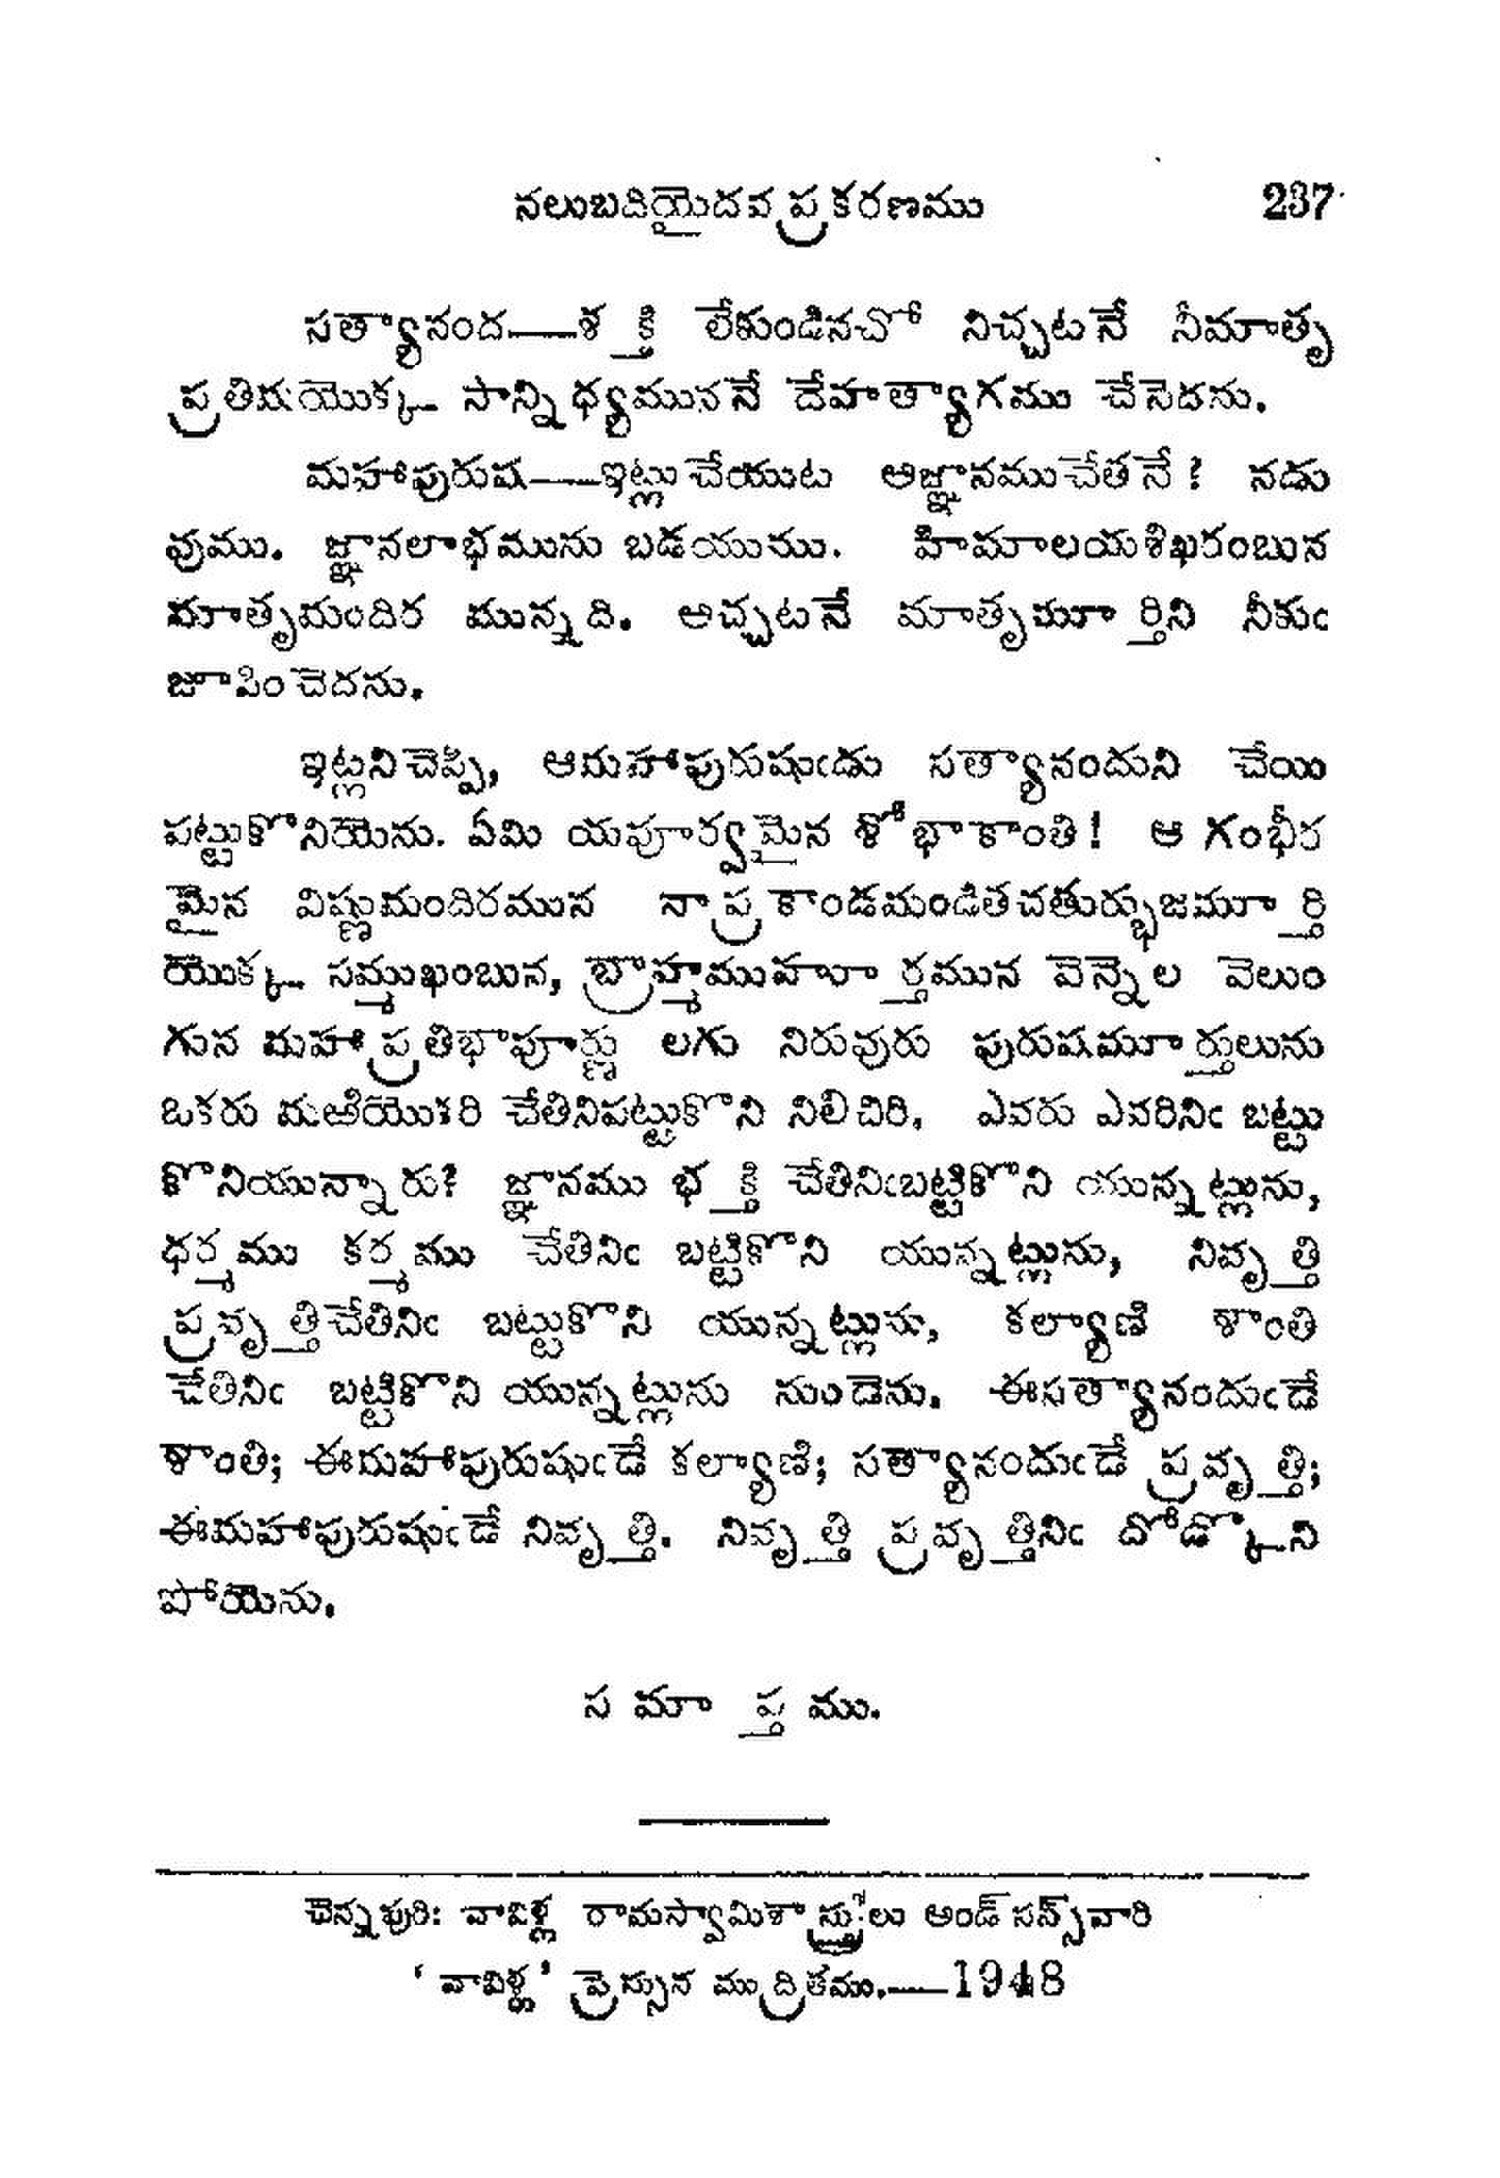సత్యానంద——శక్తి లేకుండినచో నిచ్చటనే నీమాతృ ప్రతిమ యొక్క సాన్ని ధ్యముననే 'దేహత్యాగము చేసెదను.

మహాపురుష——ఇట్లు చేయుట అజ్ఞానము చేతనే ! నడువుము. జ్ఞానలాభమును బడయుము. హిమాలయశిఖరంబున
మాతృమందిర మున్నది. అచ్చటనే మాతృమూర్తిని నీకుఁ జూపించెదను,

ఇట్లని చెప్పి, ఆమహాపురుషుఁడు. సత్యానందుని చేయి పట్టుకొనియెను. ఏమి యపూర్వమైన శోభాకాంతి ! ఆ గంభీరమైన విష్ణుమందిరమున నా ప్రకాండ మండిత చతుర్భుజమూర్తి యొక్క సముఖంబున, బ్రాహ్మముహూర్తమున వెన్నెల వెలుంగున మహాప్రతిభాపూర్ణు లగు నిరువురు పురుషమూర్తులును ఒకరు మఱియొకరి చేతినిపట్టుకొని నిలిచిరి, ఎవరు ఎవరినిఁ బట్టు
కొనియున్నారు? జ్ఞానము భక్తి చేతిని బట్టికొని యున్నట్లును, ధర్మము కర్మము చేతినిఁ బట్టికొని యున్నట్లును, నివృత్తి
ప్రవృత్తి చేతినిఁ బట్టుకొని యున్నట్లును, కల్యాణి శాంతి చేతినిఁ బట్టికొని యున్నట్లును నుండెను. ఈసత్యానందుఁడే
శాంతి; ఈమహా పురుషుఁడే కల్యాణి; సత్యానందుఁడే ప్రవృత్తి, ఈమహాపురుషుఁడే నివృత్తి. నివృత్తి ప్రవృత్తినిఁ దోడ్కొని
పోయెను.

చెన్నపురి: వావిళ్ల రామస్వామిశాస్త్రులు అండ్ సన్స వారి
' వావిళ్ల ' ప్రెస్సున ముద్రికము, 1948